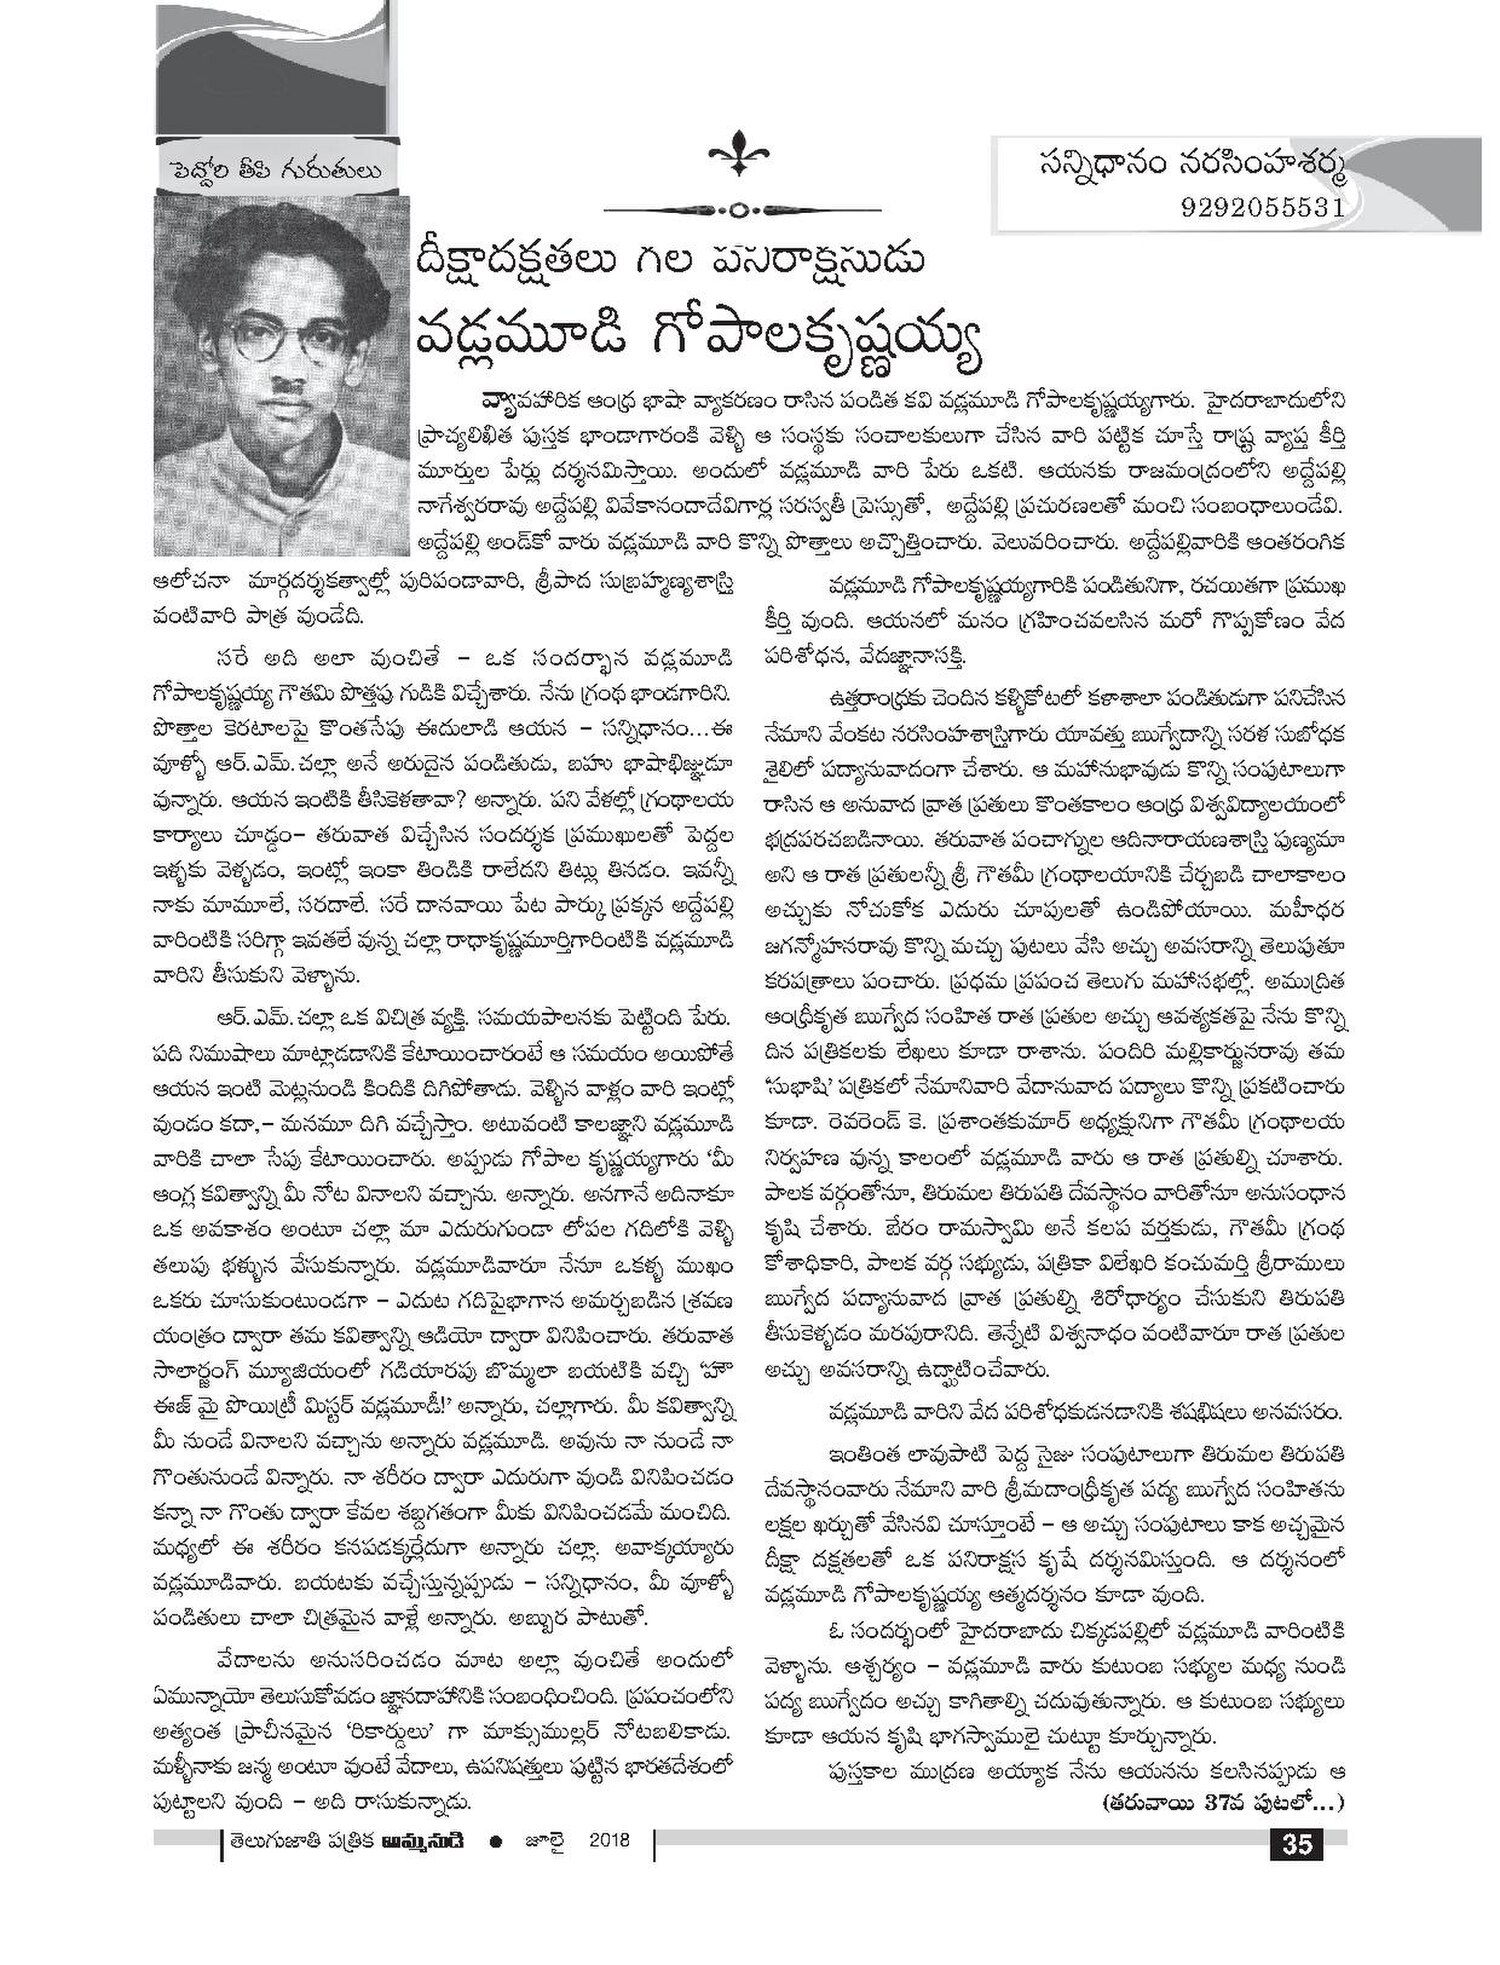సన్నిధానం నరసింహశర్మ
9292055531

దీక్షాదక్షతలు గల పనిరాక్షసుడు

వడ్లమూడి గోపాలకృష్ణయ్య

వ్యావహారిక ఆంధ్ర భాషా వ్యాకరణం రాసిన పండిత కవి వడ్లమూడి గోపాలకృష్ణయ్యగారు. హైదరాబాదులోని ప్రాచ్యలిఖిత పుస్తక భాండాగారంకి వెళ్ళి ఆ సంస్థకు సంచాలకులుగా చేసిన వారి పట్టిక చూస్తే రాష్ట్ర వ్యాప్త కీర్తిమూర్తుల పేర్లు దర్శనమిస్తాయి. అందులో వడ్లమూడి వారి పేరు ఒకటి. ఆయనకు రాజమంద్రంలోని అద్దేపల్లి నాగేశ్వరరావు అద్దేపల్లి వివేకానందాదేవిగార్ల సరన్వతీ ప్రెస్సుతో, అద్దేపల్లి ప్రచురణలతో మంచి సంబంధాలుండేవి. అద్దేపల్లి అండ్‌కో వారు వడ్లమూడి వారి కొన్ని పొత్తాలు అచ్చొత్తించారు వెలువరించారు. అద్దేపల్లివారికి ఆంతరంగిక ఆలోచనా మార్గదర్శకత్వాల్లో పురిపండావారి, శ్రీపాద సుబ్రహ్మణ్యశాస్త్రి వంటివారి పాత్ర వుండేది.

సరే అది అలా వుంచితే - ఒక సందర్భాన వడ్లమూడి గోపాలకృష్ణయ్య గౌతమి పొత్తపు గుడికి విచ్చేశారు. నేను గ్రంథ భాండగారిని. పొత్తాల కెరటాలపై కొంతసేపు ఈదులాడి ఆయన - సన్నిధానం... ఈ వూళ్ళో ఆర్‌. ఎమ్‌. చల్లా అనే అరుదైన పండితుడు, బహు భాషాభిజ్ఞుడూ వున్నారు. ఆయన ఇంటికి తీసికెళతావా? అన్నారు. పని వేళల్లో గ్రంథాలయ కార్యాలు చూడ్డం- తరువాత విచ్చేసిన సందర్శక ప్రముఖులతో పెద్దల ఇళ్ళకు వెళ్ళడం, ఇంట్లో ఇంకా తిండికి రాలేదని తిట్లు తినడం. ఇవన్నీ
నాకు మామూలే, నరదాలే. సరే దానవాయి పేట పార్కు ప్రక్కన అద్దేపల్లి వారింటికి సరిగ్గా ఇవతలే వున్న చల్లా రాధాకృష్ణమూర్తిగారింటికి వర్లమూడి వారిని తీసుకుని వెళ్ళాను.

ఆర్‌. ఎమ్‌. చల్లా ఒక విచిత్ర వ్యక్తి సమయపాలనకు పెట్టింది పేరు. పది నిముషాలు మాట్లాడడానికి కేటాయించారంటే ఆ సమయం అయిపోతే ఆయన ఇంటి మెట్లనుండి కిందికి దిగిపోతాడు. వెళ్ళిన వాళ్లం వారి ఇంట్లో వుండం కదా,- మనమూ దిగి వచ్చేస్తాం. అటువంటి కాలజ్ఞాని వడ్లమూడి
వారికి చాలా సేపు కేటాయించారు. అప్పుడు గోపాల కృష్ణయ్యగారు 'మీ ఆంగ్ల కవిత్వాన్ని మీ నోట వినాలని వచ్చాను. అన్నారు. అనగానే అదినాకూ ఒక అవకాశం అంటూ చల్లా మా ఎదురుగుండా లోపల గదిలోకి వెళ్ళి తలుపు భళ్ళున వేసుకున్నారు. వడ్లమూడివారూ నేనూ ఒకళ్ళ ముఖం ఒకరు చూసుకుంటుండగా - ఎదుట గదిపైభాగాన అమర్చబడిన శ్రవణ యంత్రం ద్వారా తమ కవిత్వాన్ని ఆడియో ద్వారా వినిపించారు. తరువాత సాలార్జంగ్‌ మ్యూజియంలో గడియారపు బొమ్మలా బయటికి వచ్చి 'హౌ ఈజ్‌ మై పొయిట్రీ మిస్టర్‌ వడ్లమూడీ!' అన్నారు, చల్లాగారు. మీ కవిత్వాన్ని మీ నుండే వినాలని వచ్చాను అన్నారు వడ్లమూడి. అవును నా నుండే నా గొంతునుండే విన్నారు. నా శరీరం ద్వారా ఎదురుగా వుండి వినిపించడం కన్నా నా గొంతు ద్వారా కేవల శబ్దగతంగా మీకు వినిపించడమే మంచిది. మధ్యలో ఈ శరీరం కనపడక్కర్లేదుగా అన్నారు చల్లా. అవాక్కయ్యారు వడ్లమూడివారు. బయటకు వచ్చేస్తున్నప్పుడు - సన్నిధానం, మీ వూళ్ళో పండితులు చాలా చిత్రమైన వాళ్లే అన్నారు. అబ్బుర పాటుతో.

వేదాలను అనుసరించడం మాట అల్లా వుంచితే అందులో ఏమున్నాయో తెలుసుకోవడం జ్ఞానదాహానికి సంబంధించింది. ప్రపంచంలోని అత్యంత ప్రాచీనమైన 'రికార్డులు' గా మాక్సుముల్లర్‌ నోటబలికాడు. మళ్ళీనాకు జన్మ అంటూ వుంటే వేదాలు, ఉపనిషత్తులు పుట్టిన భారతదేశంలో
పుట్టాలని వుంది - అది రాసుకున్నాడు.

వడ్లమూడి గోపాలకృష్ణయ్యగారికి పండితునిగా, రచయితగా ప్రముఖ కీర్తి వుంది. ఆయనలో మనం గ్రహించవలసిన మరో గొప్పకోణం వేద పరిశోధన, వేదజ్ఞానాసక్తి.

ఉత్తరాంధ్రకు చెందిన కళ్ళికోటలో కళాశాలా పండితుడుగా పనిచేసిన నేమాని వేంకట నరసింహశాస్రిగారు యావత్తు ఋగ్వేదాన్ని సరళ సుబోధక శైలిలో పద్యానువాదంగా చేశారు. ఆ మహానుభావుడు కొన్ని సంపుటాలుగా రాసిన ఆ అనువాద వ్రాత ప్రతులు కొంతకాలం ఆంధ్ర విశ్వవిద్యాలయంలో భద్రపరచబడినాయి. తరువాత పంచాగ్నుల ఆదినారాయణశాస్త్రి పుణ్యమా అని ఆ రాత ప్రతులన్నీ శ్రీ గౌతమీ గ్రంథాలయానికి చేర్చబడి చాలాకాలం అచ్చుకు నోచుకోక ఎదురు చూపులతో ఉండిపోయాయి. మహీధర జగన్మోహనరావు కొన్ని మచ్చు పుటలు వేసి అచ్చు అవసరాన్ని తెలుపుతూ
కరపత్రాలు పంచారు. ప్రధమ ప్రపంచ తెలుగు మహానభల్లో. అముద్రిత ఆంధ్రీకృత ఋగ్వేద సంహిత రాత ప్రతుల అచ్చు ఆవశ్యకతపై నేను కొన్ని దిన పత్రికలకు లేఖలు కూడా రాశాను. పందిరి మల్లికార్జునరావు తమ 'సుభాషి' పత్రికలో నేమానివారి వేదానువాద పద్యాలు కొన్ని ప్రకటించారు కూడా. రెవరెండ్‌ కె. ప్రశాంతకుమార్‌ అధ్యక్షునిగా గౌతమీ గ్రంథాలయ నిర్వహణ వున్న కాలంలో వడ్లమూడి వారు ఆ రాత ప్రతుల్ని చూశారు. పాలక వర్గంతోనూ, తిరుమల తిరుపతి దేవస్థానం వారితోనూ అనుసంధాన కృషి చేశారు. బేరం రామస్వామి అనే కలప వర్తకుడు, గౌతమీ గ్రంథ కోశాధికారి, పాలక వర్గ సభ్యుడు, పత్రికా విలేఖరి కంచుమర్తి శ్రీరాములు ఋగ్వేద పద్యానువాద వ్రాత ప్రతుల్ని శిరోధార్యం చేసుకుని తిరుపతి తీసుకెళ్ళడం మరపురానిది. తెన్నేటి విశ్వనాధం వంటివారూ రాత ప్రతుల అచ్చు అవసరాన్ని ఉద్ఘాటించేవారు.

వడ్లమూడి వారిని వేద పరిశోధకుడనడానికి శషభిషలు అనవసరం.

ఇంతింత లావుపాటి పెద్ద సైజు నంపుటాలుగా తిరుమల తిరుపతి దేవస్థానంవారు నేమాని వారి శ్రీమదాంధ్రీకృత పద్య ఋగ్వేద సంహితను లక్షల ఖర్చుతో వేసినవి చూస్తూంటే - ఆ అచ్చు సంపుటాలు కాక అచ్చమైన దీక్షా దక్షతలతో ఒక పనిరాక్షస కృషే దర్శనమిస్తుంది. ఆ దర్శనంలో వడ్లమూడి గోపాలకృష్ణయ్య ఆత్మదర్శనం కూడా వుంది.

ఓ సందర్భంలో హైదరాబాదు చిక్కడపల్లిలో వడ్లమూడి వారింటికి వెళ్ళాను. ఆశ్చర్యం - వడ్లమూడి వారు కుటుంబ సభ్యుల మధ్య నుండి పద్య ఋగ్వేదం అచ్చు కాగితాల్ని చదువుతున్నారు. ఆ కుటుంబ సభ్యులు కూడా ఆయన కృషి భాగస్వాములై చుట్టూ కూర్చున్నారు.

పుస్తకాల ముద్రణ అయ్యాక నేను ఆయనను కలసినప్పుడు ఆ